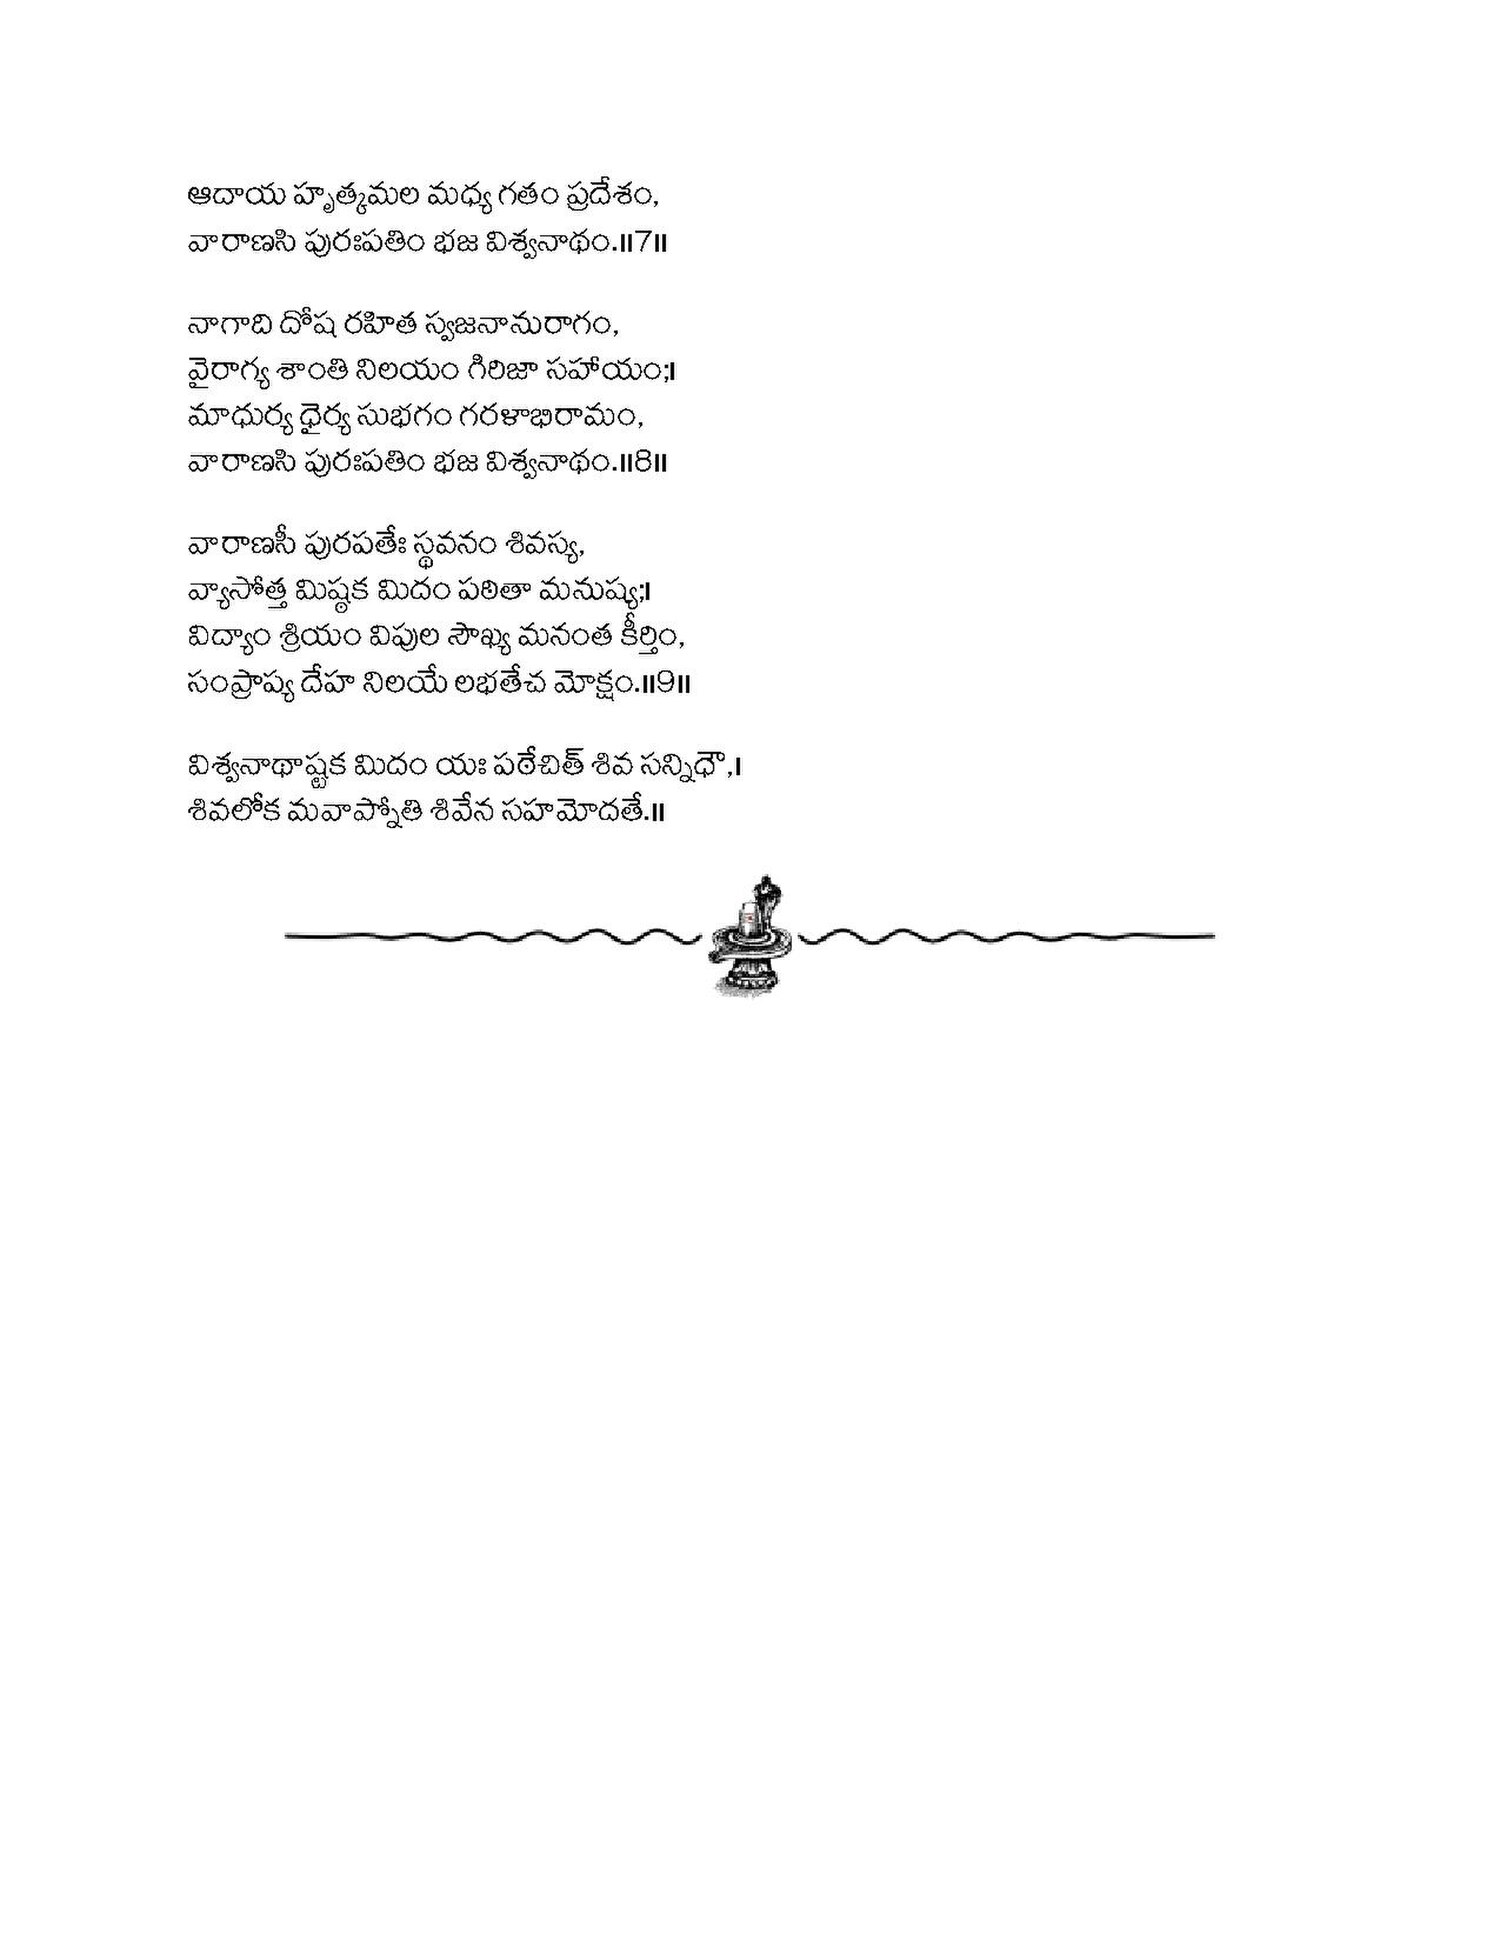ఆదాయ హృత్కమల మధ్య గతం ప్రదేశం,
వారాణసి పురఃపతిం భజ విశ్వనాథం.||7||

నాగాది దోష రహిత స్వజనానురాగం,
వైరాగ్య శాంతి నిలయం గిరిజా సహాయం;|
మాధుర్య ధైర్య సుభగం గరళాభిరామం,
వారాణసి పురఃపతిం భజ విశ్వనాథం.||8||

వారాణసీ పురపతేః స్థవనం శివస్య,
వ్యాసోత్త మిష్ఠక మిదం పఠితా మనుష్య;|
విద్యాం శ్రియం విపుల సౌఖ్య మనంత కీర్తిం,
సంప్రాప్య దేహవిలయే లభతేచ మోక్షం.||9||

విశ్వనాథాష్టక మిదం యః పఠేత్ చ్ఛివ సన్నిధౌ, |
శివలోక మవాప్నోతి శివేన సహమోదతే.||